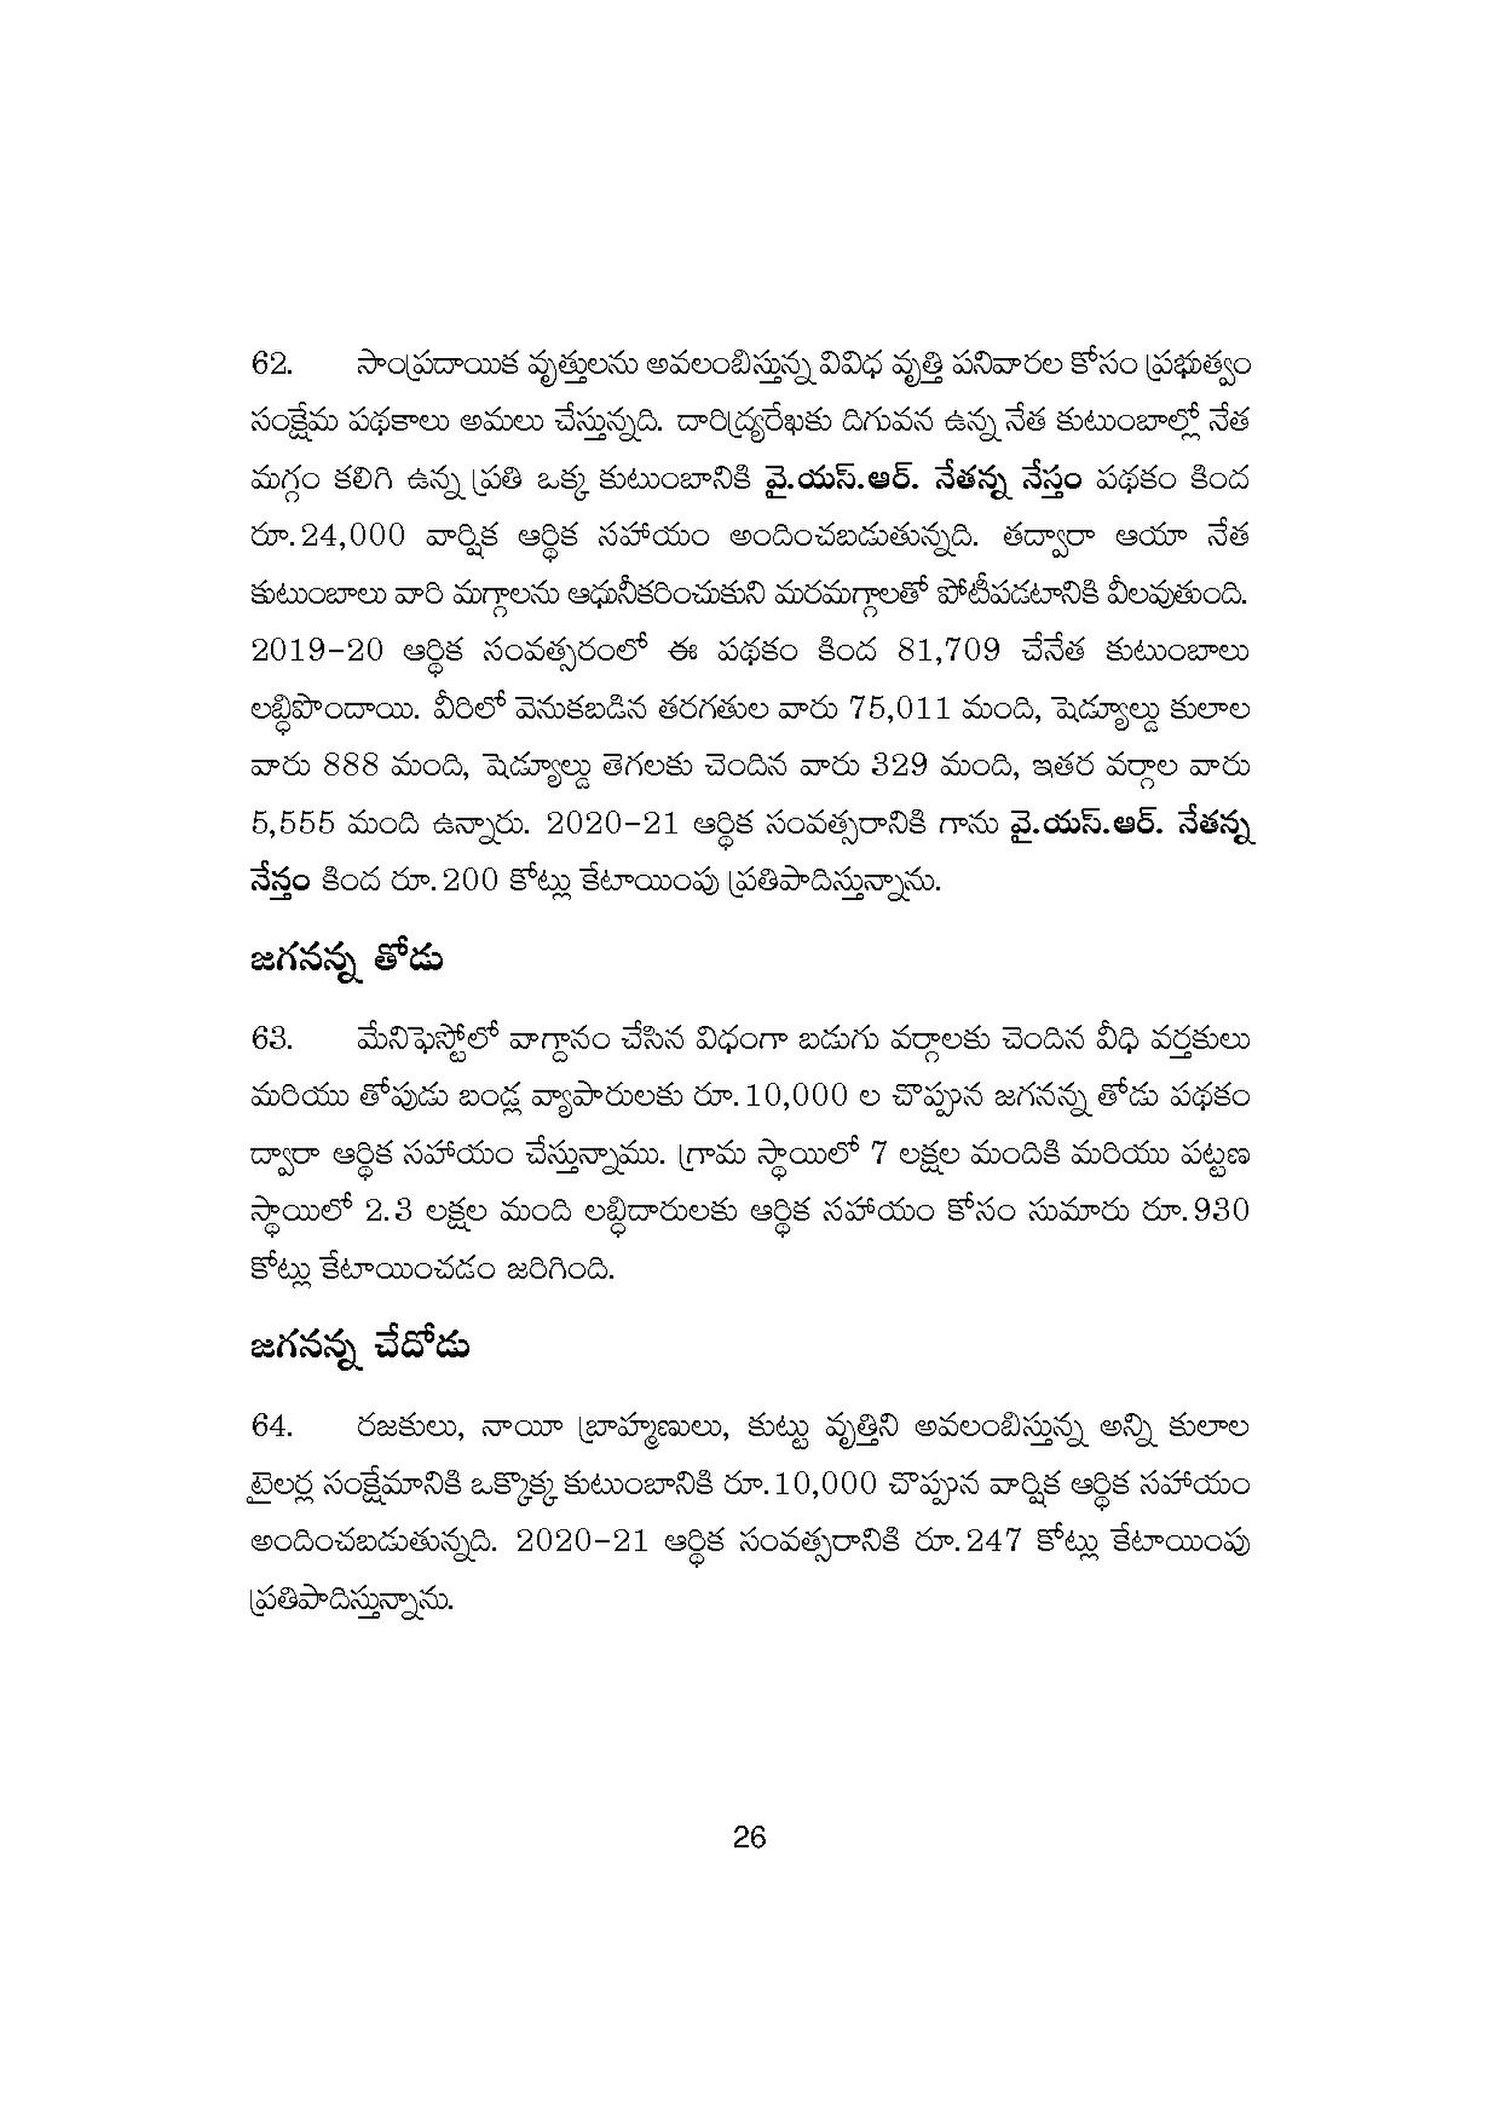62. సాంప్రదాయిక వృత్తులను అవలంబిస్తున్న వివిధ వృత్తి పనివారల కోసం ప్రభుత్వం సంక్షేమ పథకాలు అమలు చేస్తున్నది. దారిద్ర్యరేఖకు దిగువన ఉన్న నేత కుటుంబాల్లో నేత మగ్గం కలిగి ఉన్న ప్రతి ఒక్క కుటుంబానికి వై.యస్.ఆర్. నేతన్న నేస్తం పథకం కింద రూ. 24,000 వార్షిక ఆర్థిక సహాయం అందించబడుతున్నది. తద్వారా ఆయా నేత కుటుంబాలు వారి మగ్గాలను ఆధునీకరించుకుని మరమగ్గాలతో పోటీపడటానికి వీలవుతుంది. 2019-20 ఆర్థిక సంవత్సరంలో ఈ పథకం కింద 81,709 చేనేత కుటుంబాలు లబ్దిపొందాయి. వీరిలో వెనుకబడిన తరగతుల వారు 75,011 మంది, షెడ్యూల్డు కులాల వారు 888 మంది, షెడ్యూల్డు తెగలకు చెందిన వారు 329 మంది, ఇతర వర్గాల వారు 5,555 మంది ఉన్నారు. 2020-21 ఆర్థిక సంవత్సరానికి గాను వై.యస్.ఆర్. నేతన్న నేస్తం కింద రూ. 200 కోట్లు కేటాయింపు ప్రతిపాదిస్తున్నాను. 

జగనన్న తోడు 

63. మేనిఫెస్టోలో వాగ్దానం చేసిన విధంగా బడుగు వర్గాలకు చెందిన వీధి వర్తకులు మరియు తోపుడు బండ్ల వ్యాపారులకు రూ.10,000 ల చొప్పున జగనన్న తోడు పథకం ద్వారా ఆర్థిక సహాయం చేస్తున్నాము. గ్రామ స్థాయిలో 7 లక్షల మందికి మరియు పట్టణ స్థాయిలో 2.3 లక్షల మంది లబ్ధిదారులకు ఆర్థిక సహాయం కోసం సుమారు రూ. 930 కోట్లు కేటాయించడం జరిగింది. 

జగనన్న చేదోడు

64. రజకులు, నాయీ బ్రాహ్మణులు, కుట్టు వృత్తిని అవలంబిస్తున్న అన్ని కులాల టైలర్ల సంక్షేమానికి ఒక్కొక్క కుటుంబానికి రూ.10,000 చొప్పున వార్షిక ఆర్థిక సహాయం అందించబడుతున్నది. 2020-21 ఆర్థిక సంవత్సరానికి రూ. 247 కోట్లు కేటాయింపు ప్రతిపాదిస్తున్నాను.